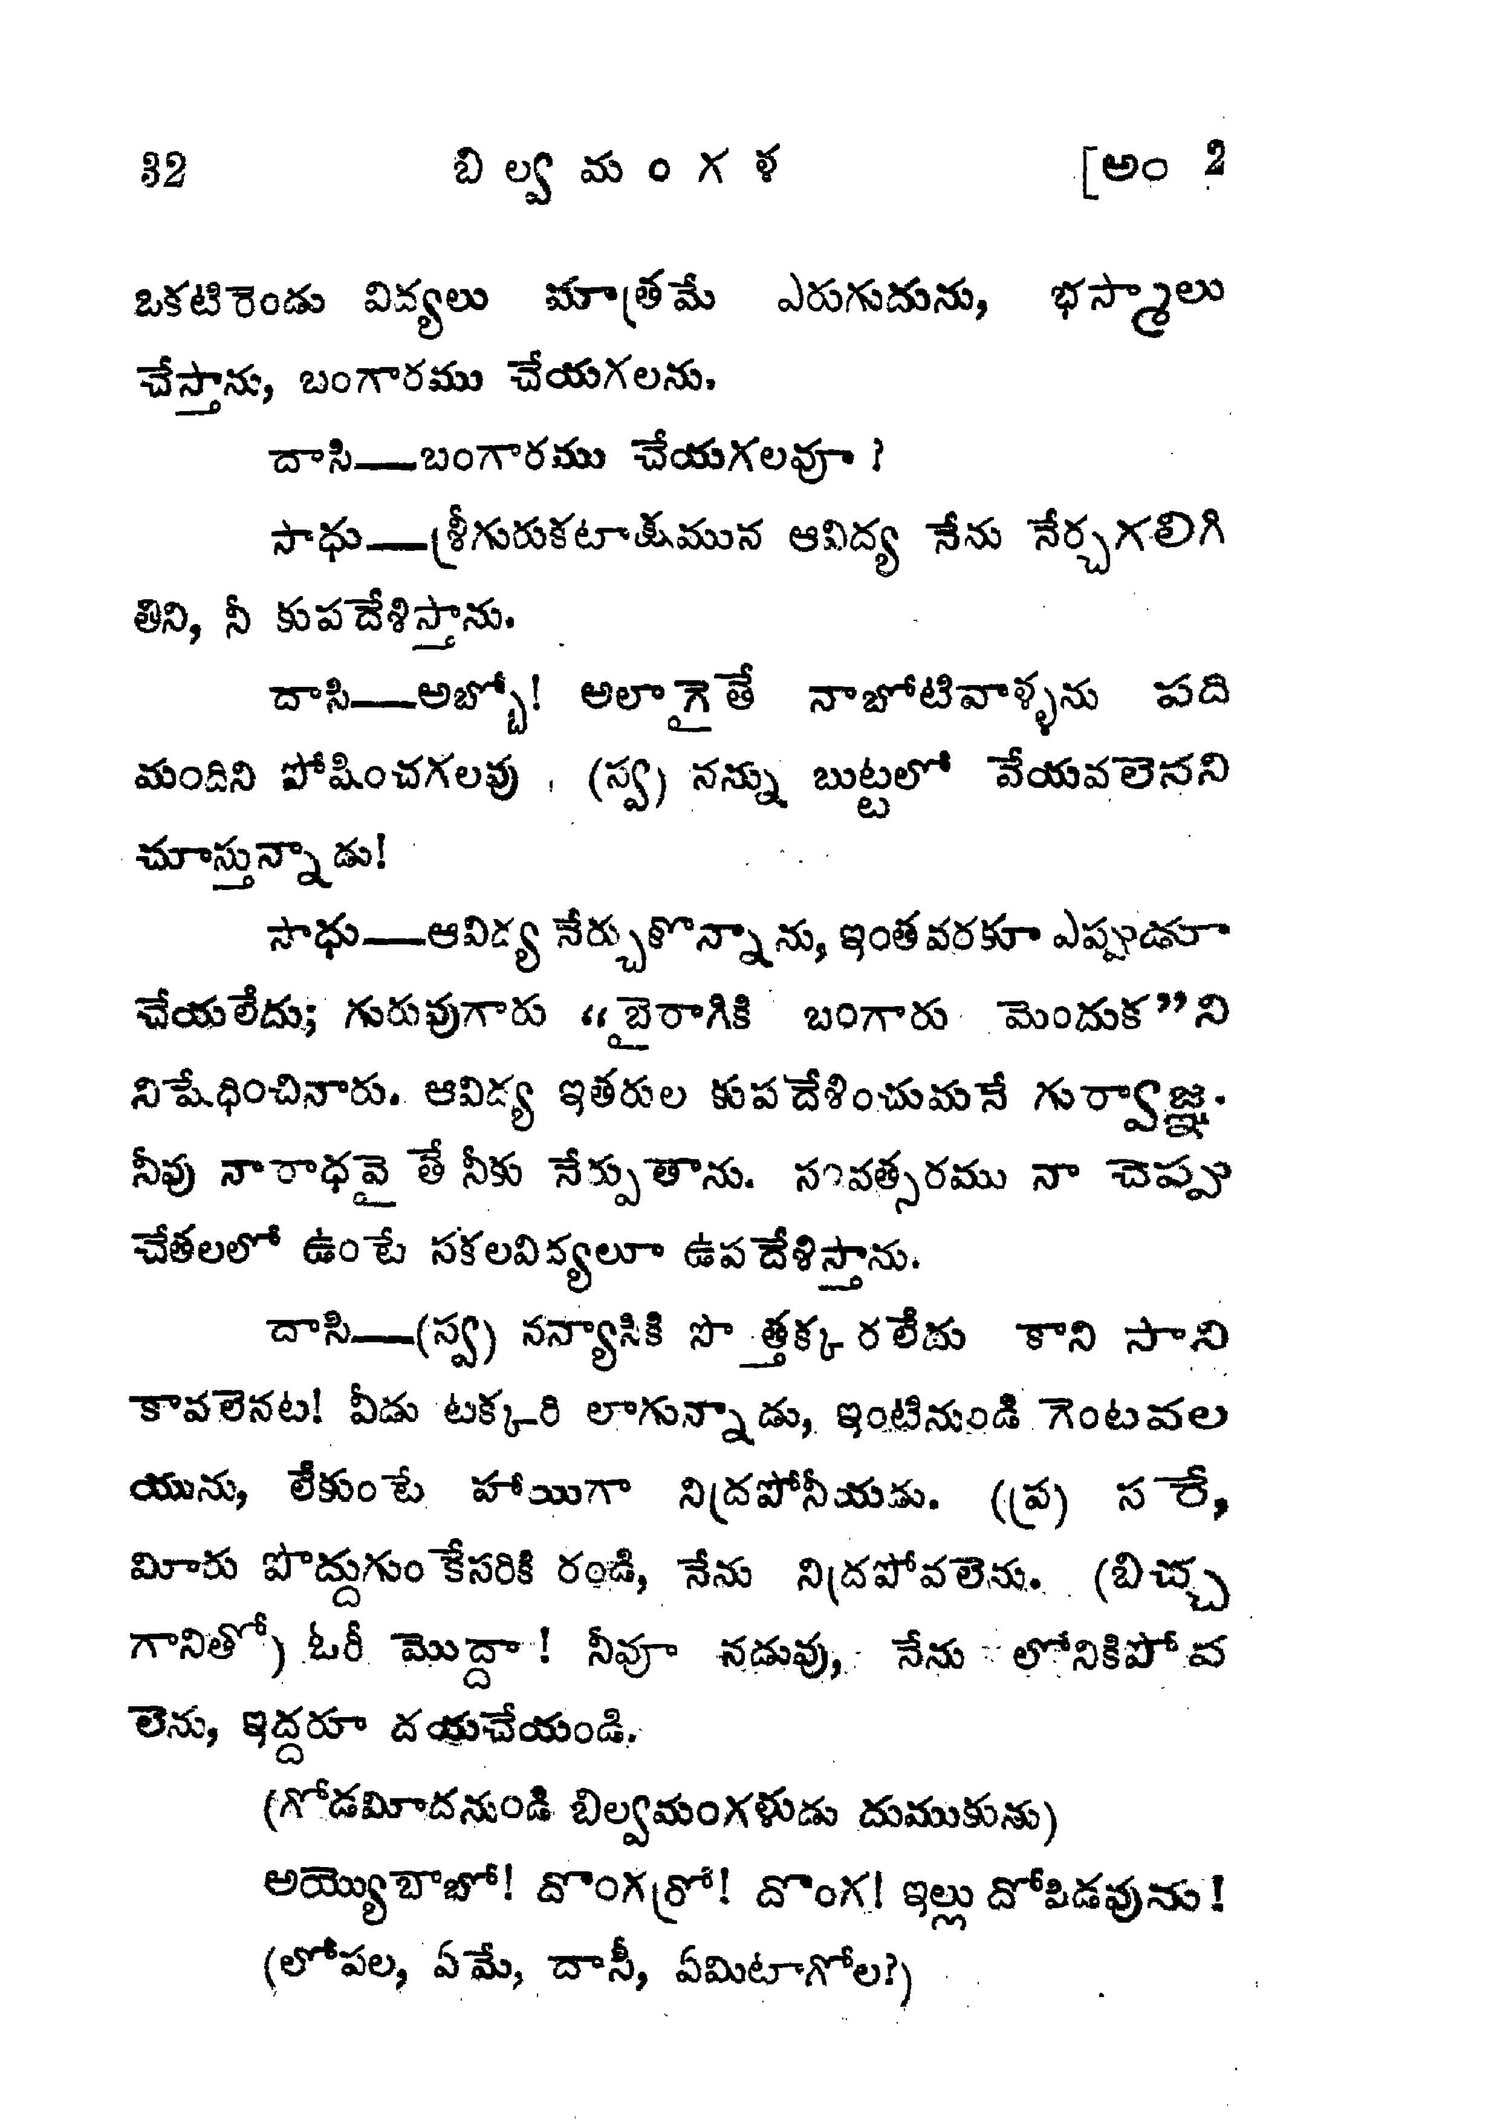ఒకటిరెండు విద్యలు మాత్రమే ఎరుగుదును, భస్మాలు చేస్తాను, బంగారము చేయగలను.

దాసి - బంగారము చేయగలవూ?

సాధు - శ్రీగురుకటాక్షమున ఆవిద్య నేను నేర్చగలిగితిని, నీ కుపదేశిస్తాను.

దాసి - అబ్బో! అలాగైతే నాబోటివాళ్ళను పదిమందిని పోషించగలవు. (స్వ) నన్ను బుట్టలో వేయవలెనని చూస్తున్నాడు!

సాధు - ఆవిద్య నేర్చుకొన్నాను, ఇంతవరకూ ఎప్పుడూ చేయలేదు; గురువుగారు "బైరాగికి బంగారు మెందుక"ని నిషేధించినారు. ఆవిద్య ఇతరుల కుపదేశించుమనే గుర్వాజ్ఞ. నీవు నారాధవై తే నీకు నేర్పుతాను. సంవత్సరము నా చెప్పు చేతలలో ఉంటే సకలవిద్యలూ ఉపదేశిస్తాను.

దాసి - (స్వ) సన్యాసికి సొత్తక్కరలేదు. కాని సాని కావలెనట! వీడు టక్కరి లాగున్నాడు, ఇంటినుండి గెంటవలయును, లేకుంటే హాయిగా నిద్రపోనీయడు. (ప్ర) సరే, మీరు పొద్దుగుం కేసరికి రండి, నేను నిద్రపోవలెను. (బిచ్చగానితో) ఓరీ మొద్దా! నీవూ నడువు, నేను లోనికిపోవలెను, ఇద్దరూ దయచేయండి.

అయ్యొబాబో! దొంగర్రో! దొంగ! ఇల్లు దోపిడవును!

(లోపల, ఏమే, దాసీ, ఏమిటాగోల?)